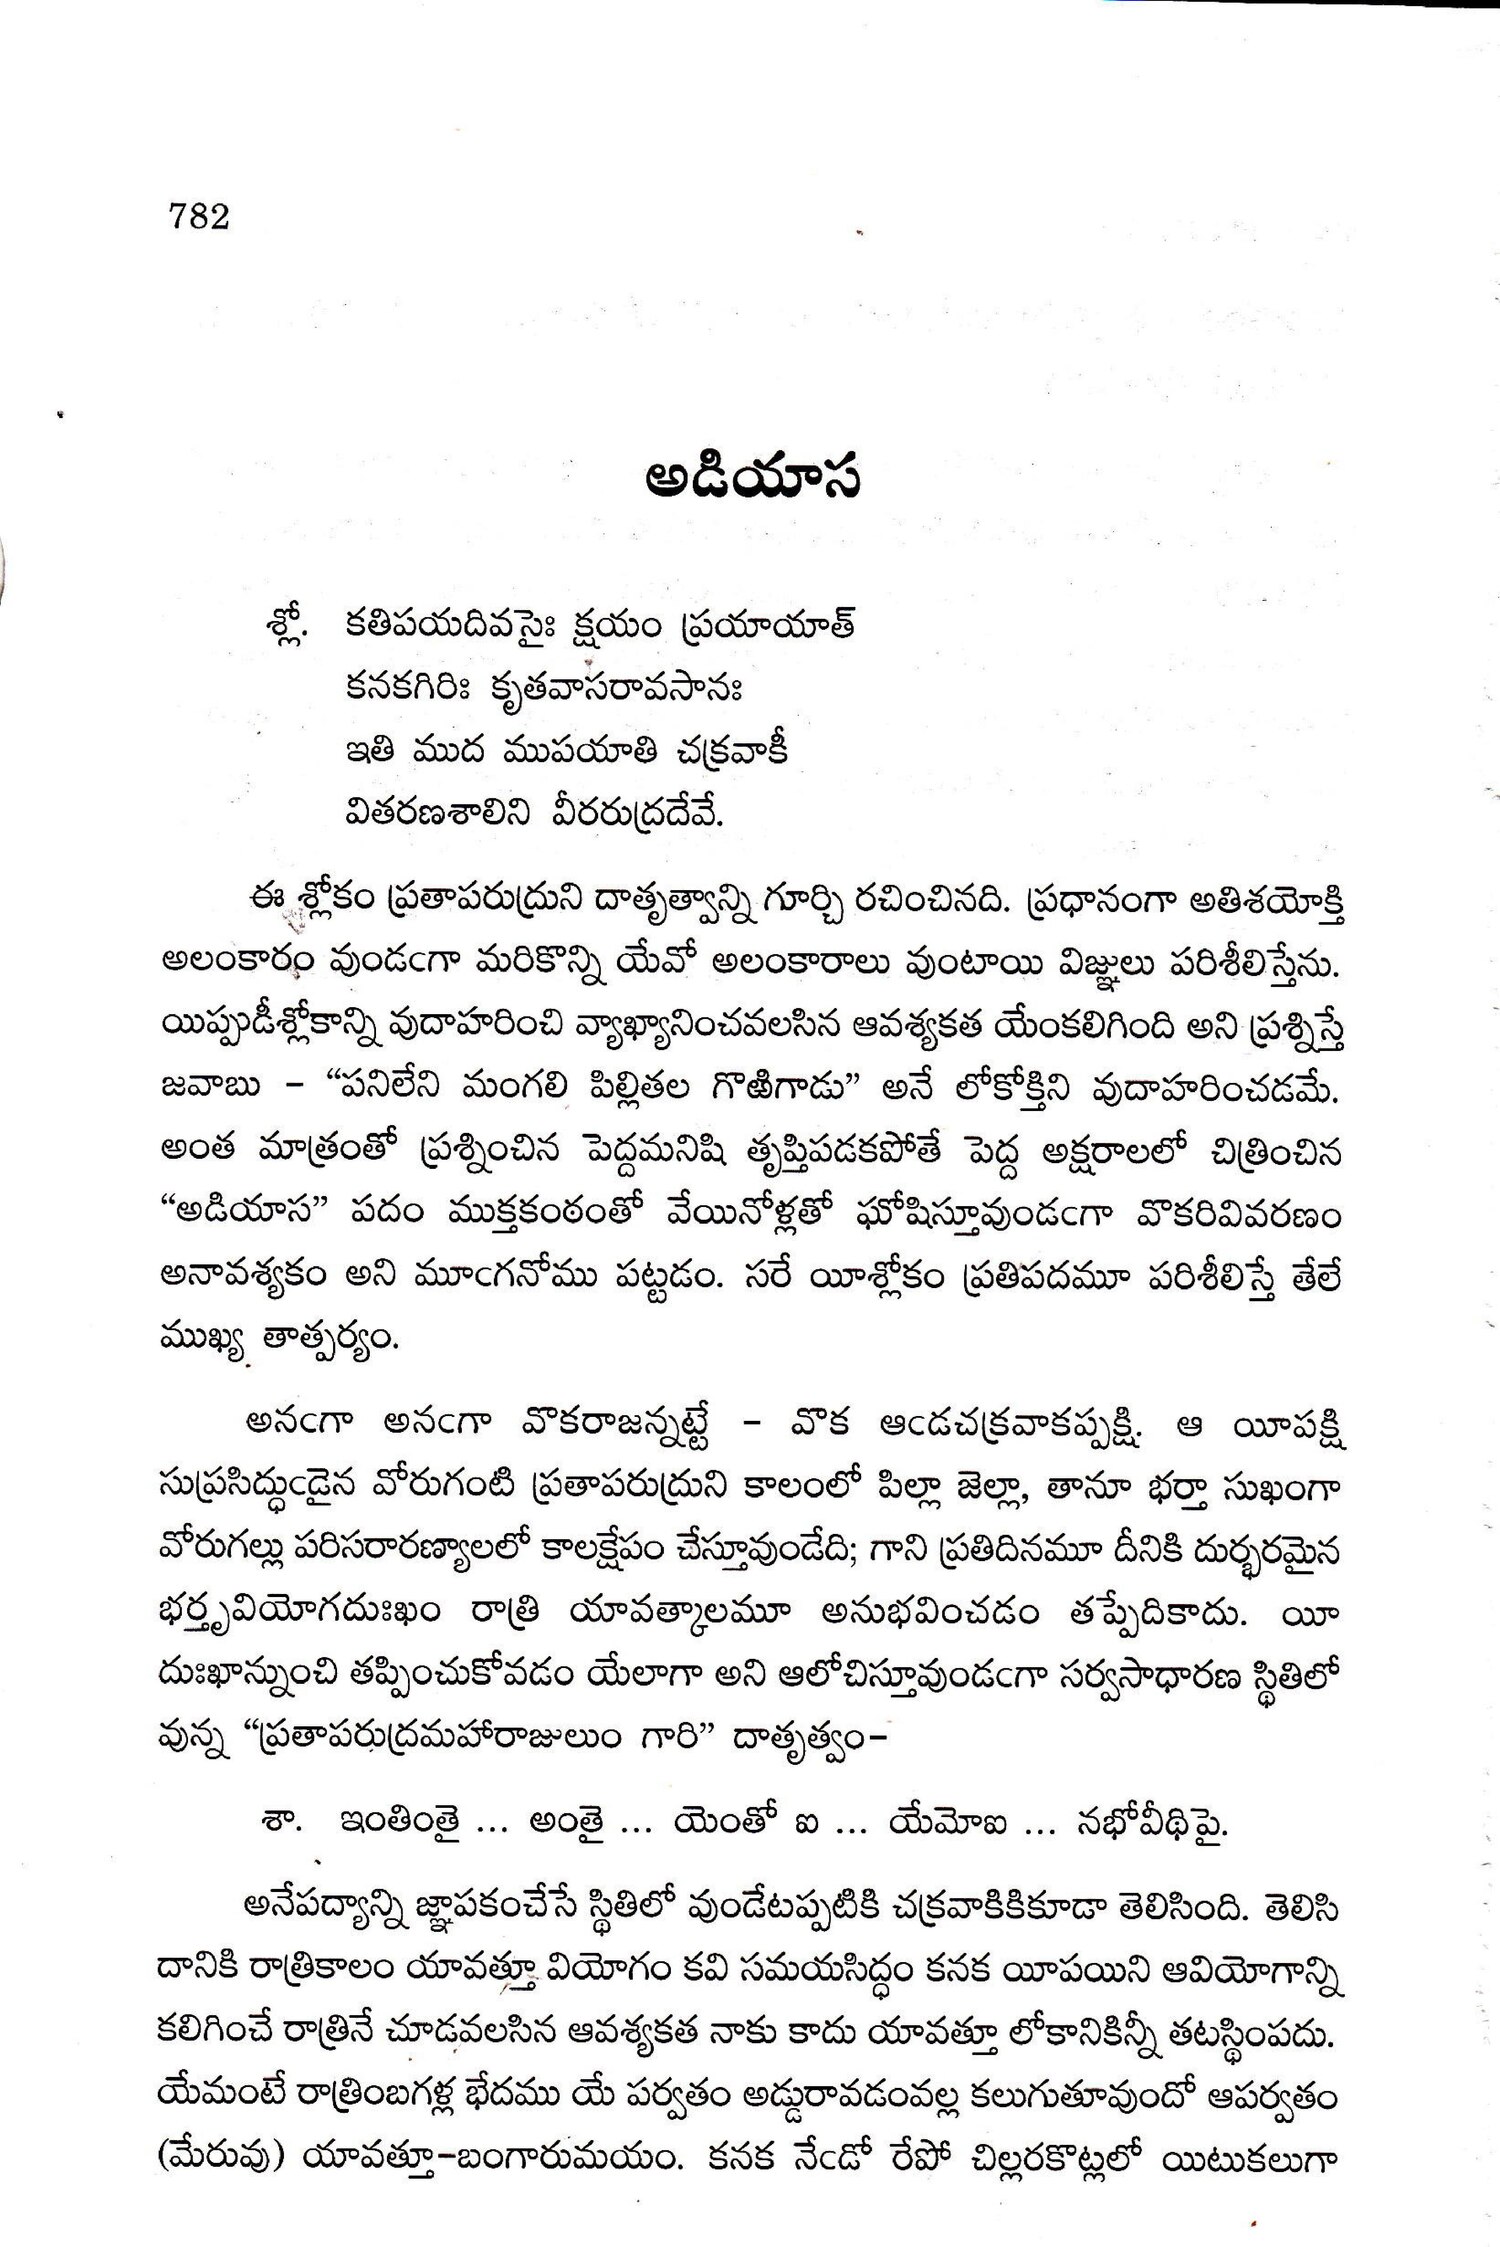అడియాస

శ్లో. కతిపయదివసైః క్షయం ప్రయాయాత్
 కనకగిరిః కృతవాసరావసానః 
 ఇతి ముద ముపయాతి చక్రవాకీ 
 వితరణశాలిని వీరరుద్రదేవే.
ఈ శ్లోకం ప్రతాపరుద్రుని దాతృత్వాన్ని గూర్చి రచించినది. ప్రధానంగా అతిశయోక్తి అలంకారం వుండఁగా మరికొన్ని యేవో అలంకారాలు వుంటాయి విజ్ఞులు పరిశీలిస్తేను. యిప్పుడీశ్లోకాన్ని వుదాహరించి వ్యాఖ్యానించవలసిన ఆవశ్యకత యేంకలిగింది అని ప్రశ్నిస్తే జవాబు - “పనిలేని మంగలి పిల్లితల గొఱిగాడు" అనే లోకోక్తిని వుదాహరించడమే. అంత మాత్రంతో ప్రశ్నించిన పెద్దమనిషి తృప్తిపడకపోతే పెద్ద అక్షరాలలో చిత్రించిన “అడియాస” పదం ముక్తకంఠంతో వేయినోళ్లతో ఘోషిషిస్తూవుండఁగా వొకరివివరణం అనావశ్యకం అని మూఁగనోము పట్టడం. సరే యీశ్లోకం ప్రతిపదమూ పరిశీలిస్తే తేలే ముఖ్య తాత్పర్యం.

అనఁగా అనఁగా వొకరాజన్నట్టే - వొక ఆఁడచక్రవాకప్పక్షి. ఆ యీపక్షి సుప్రసిద్దుఁడైన వోరుగంటి ప్రతాపరుద్రుని కాలంలో పిల్లా జెల్లా, తానూ భర్తా సుఖంగా వోరుగల్లు పరిసరారణ్యాలలో కాలక్షేపం చేస్తూవుండేది; గాని ప్రతిదినమూ దీనికి దుర్భరమైన భర్తృవియోగదుఃఖం రాత్రి యావత్కాలమూ అనుభవించడం తప్పేదికాదు. యీ దుఃఖాన్నుంచి తప్పించుకోవడం యేలాగా అని ఆలోచిస్తూవుండఁగా సర్వసాధారణ స్థితిలో వున్న “ప్రతాపరుద్రమహారాజులుం గారి" దాతృత్వం-

శా. ఇంతింతై... అంతై ... యెంతో ఐ ... యేమోఐ ... నభో వీథిపై.
అనేపద్యాన్ని జ్ఞాపకంచేసే స్థితిలో వుండేటప్పటికి చక్రవాకికికూడా తెలిసింది. తెలిసి దానికి రాత్రికాలం యావత్తూ వియోగం కవి సమయసిద్ధం కనక యీపయిని ఆవియోగాన్ని కలిగించే రాత్రినే చూడవలసిన ఆవశ్యకత నాకు కాదు యావత్తూ లోకానికిన్నీ తటస్థింపదు. యేమంటే రాత్రింబగళ్ల భేదము యే పర్వతం అడ్డురావడంవల్ల కలుగుతూవుందో ఆపర్వతం (మేరువు) యావత్తూ-బంగారుమయం. కనక నేఁడో రేపో చిల్లరకొట్లలో యిటుకలుగా